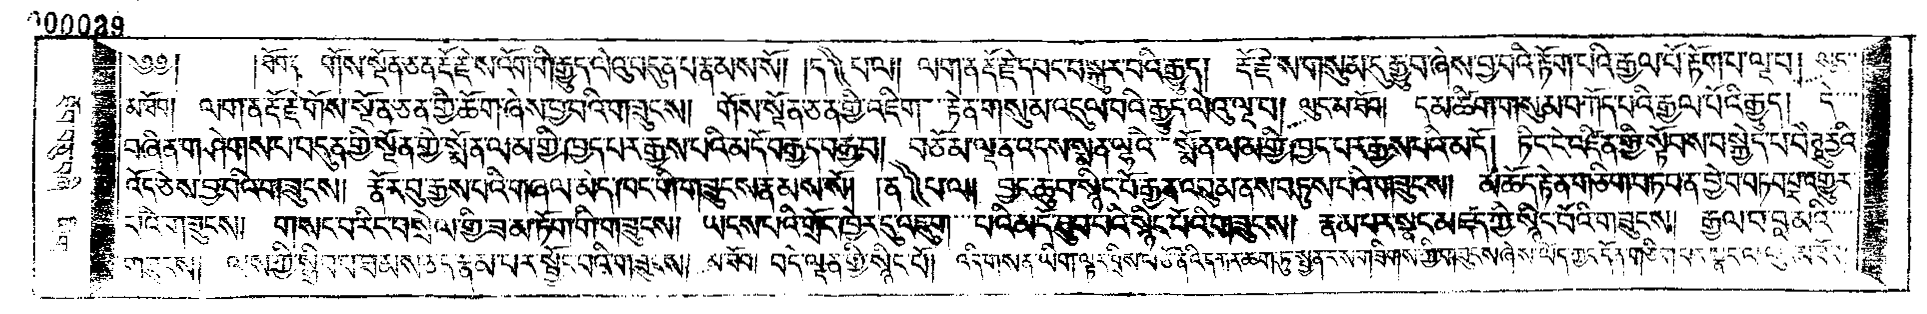༄༅། །ཐོབ༑ གོས་སྔོན་ཅན་རྡོ་རྗེ་ས་འོག་གི་རྒྱུད་ལེའུ་བདུན་པ་རྣམས་སོ། །ད༼༽ པ་ལ། ལག་ན་རྡོ་རྗེ་དབང་བསྐུར་བའི་རྒྱུད། རྡོ་རྗེ་ས་གསུམ་དུ་རྒྱུ་བ་ཞེས་བྱ་བའི་རྟོག་པའི་རྒྱལ་པོ་རྟོག་པ་ལྔ་པ། ལུང་
མ་ཐོབ། ལག་ན་རྡོ་རྗེ་གོས་སྔོན་ཅན་གྱི་ཆོ་ག་ཞེས་བྱ་བའི་གཟུངས། གོས་སྔོན་ཅན་གྱི་འཇིག་རྟེན་གསུམ་འདུལ་བའི་རྒྱུད་ལེའུ་ལྔ་པ། ལུང་མ་ཐོབ།  དམ་ཚིག་གསུམ་བཀོད་པའི་རྒྱལ་པོའི་རྒྱུད། དེ་
བཞིན་གཤེགས་པ་བདུན་གྱི་སྔོན་གྱི་སྨོན་ལམ་གྱི་ཁྱད་པར་རྒྱས་པའི་མདོ་བརྒྱད་བརྒྱ་བ། བཅོམ་ལྡན་འདས་སྨན་ལྷའི་སྨོན་ལམ་གྱི་ཁྱད་པར་རྒྱས་པའི་མདོ། ཏིང་ངེ་འཛིན་གྱི་སྟོབས་བསྐྱེད་པ་བཻཊཱུརྱའི་
འོད་ཅེས་བྱ་བའི་གཟུངས། རྣོར་བུ་རྒྱས་པའི་གཞལ་མེད་ཁང་གི་གཟུངས་རྣམས་སོ། །ན༼༽ པ་ལ། བྱང་ཆུབ་སྙིང་པོ་རྒྱན་འབུམ་ནས་བཏུས་པའི་གཟུངས། མཆོད་རྟེན་གཅིག་བཏབ་ན་བྱེ་བ་བཏབ་པར་འགྱུར་
པའི་གཟུངས། གསང་བ་རིང་བསྲེལ་གྱི་ཟ་མ་ཏོག་གི་གཟུངས། ཡངས་པའི་གྲོང་ཁྱེར་དུ་འཇུག་པའི་མདོ་ཐུབ་པའི་སྙིང་པོའི་གཟུངས། རྣམ་པར་སྣང་མཛད་ཀྱི་སྙིང་བོའི་གཟུངས། རྒྱལ་བ་བླ་མའི་
གཟུངས། ལས་ཀྱི་སྒྲིབ་པ་ཐམས་ཅད་རྣམ་པར་སྦྱོང་བའི་གཟུངས། མ་ཐོབ།  བདེ་ལྡན་གྱི་སྙིང་པོ། འདི་གསན་ཡིག་ལྟར་བྲིས་ལ་ཅོ་ནེའི་དཀར་ཆག་ཏུ་སྤྱན་རས་གཟིགས་ཀྱི་གཟུངས་ཞེས་ཡོད་ཀྱང་དོན་གཅིག་པར་སྣང་ལ་ལུང་མ་ཐོབ།